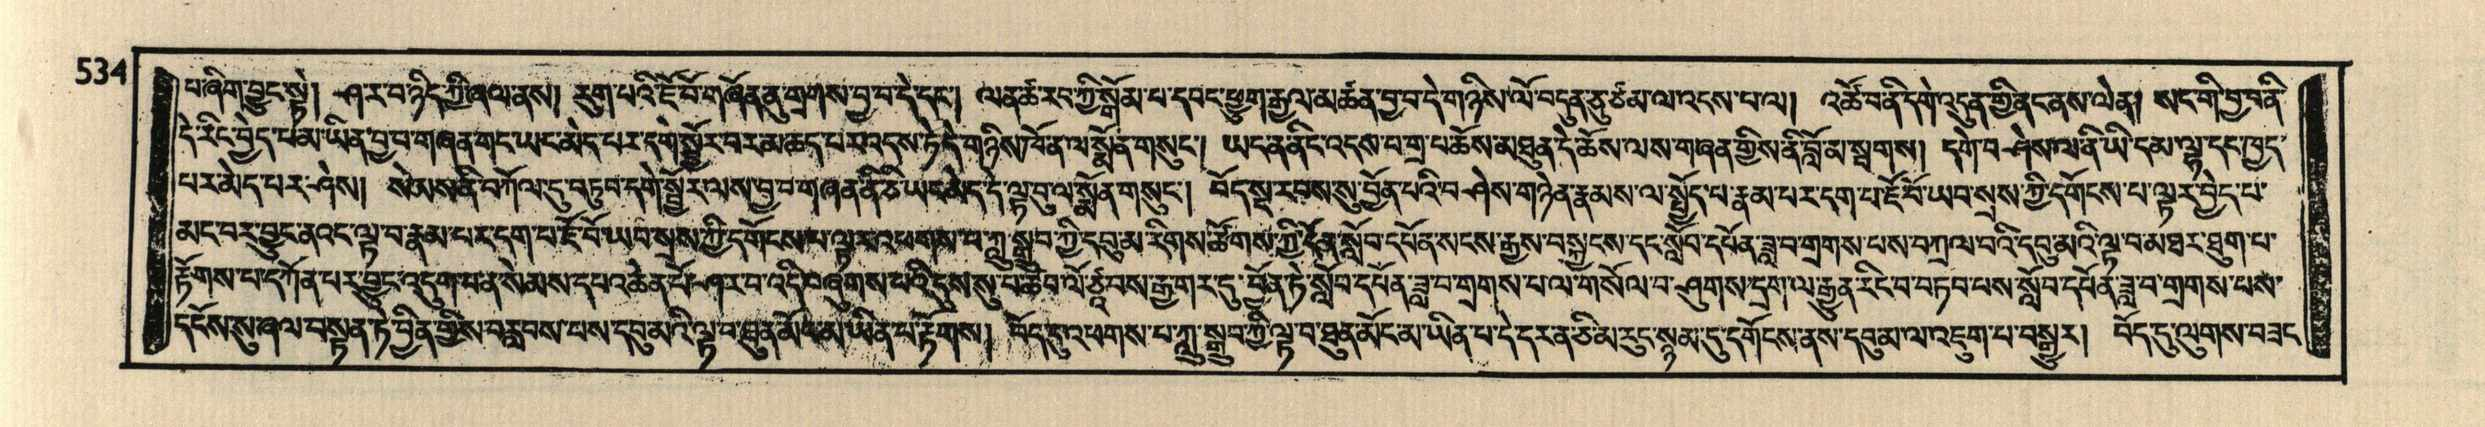པ་ཞིག་བྱུང་སྟེ། ཤ་ར་བ་ཉིད་ཀྱི་ཞལ་ནས། རུག་པའི་ཇོ་བོ་གཞོན་ནུ་གྲགས་བྱ་བ་དེ་དང་། ལན་ཚ་རབ་ཀྱི་སྒོམ་པ་དབང་ཕྱུག་རྒྱལ་མཚན་བྱ་བ་དེ་གཉིས་ལོ་བདུན་ཅུ་ཙམ་ལ་འདས་པ་ལ། འཚོ་བ་ནི་དགེ་འདུན་གྱི་ནང་ནས་ལེན། སང་གི་བྱ་བ་ནི་
དེ་རིང་བྱེད་པ་མ་ཡིན་བྱ་བ་གཞན་གང་ཡང་མེད་པར་དགེ་སྦྱོར་བར་མ་ཆད་པར་འདས་ཏེ་དེ་གཉིས་ཁོ་ན་ལ་སྨོན་གསུང་། ཡང་ན་ནིང་འདས་པ་གྲ་པ་ཆོས་མཐུན་དེ་ཆོས་ལས་གཞན་གྱིས་ནི་བློ་མ་སྦགས། དགེ་བཤེས་ལ་ནི་ཡི་དམ་ལྷ་དང་ཁྱད་
པར་མེད་པར་ཤེས། སེམས་ནི་བཀོལ་དུ་བཏུབ་དགེ་སྦྱོར་ལས་བྱ་བ་གཞན་ནི་ཅི་ཡང་མེད་དེ་ལྟ་བུ་ལ་སྨོན་གསུང་། བོད་སྔ་རབས་སུ་བྱོན་པའི་བཤེས་གཉེན་རྣམས་ལ་སྤྱོད་པ་རྣམ་པར་དག་པ་ཇོ་བོ་ཡབ་སྲས་ཀྱི་དགོངས་པ་ལྟར་བྱེད་པ་
མང་བར་བྱུང་ནའང་ལྟ་བ་རྣམ་པར་དག་པ་ཇོ་བོ་ཡབ་སྲས་ཀྱི་དགོངས་པ་ལྟར་འཕགས་པ་ཀླུ་སྒྲུབ་ཀྱི་དབུ་མ་རིགས་ཚོགས་ཀྱི་དོན་སློབ་དཔོན་སངས་རྒྱས་བསྐྱངས་དང་སློབ་དཔོན་ཟླ་བ་གྲགས་པས་བཀྲལ་བའི་དབུ་མའི་ལྟ་བ་མཐར་ཐུག་པ་
རྟོགས་པ་དཀོན་པར་བྱུང་འདུག་པ་ན་སེམས་དཔའ་ཆེན་པོ་ཤར་བ་འདི་བཞུགས་པའི་དུས་སུ་པ་ཚབ་ལོ་ཙཱ་བས་རྒྱ་གར་དུ་བྱོན་ཏེ་སློབ་དཔོན་ཟླ་བ་གྲགས་པ་ལ་གསོལ་བ་ཤུགས་དྲག་ལ་རྒྱུན་རིང་བ་བཏབ་པས་སློབ་དཔོན་ཟླ་བ་གྲགས་པས་
དངོས་སུ་ཞལ་བསྟན་ཏེ་བྱིན་གྱིས་བརླབས་པས་དབུ་མའི་ལྟ་བ་ཐུན་མོང་མ་ཡིན་པ་རྟོགས། བོད་དུ་འཕགས་པ་ཀླུ་སྒྲུབ་ཀྱི་ལྟ་བ་ཐུན་མོང་མ་ཡིན་པ་དེ་དར་ན་ཅི་མ་རུང་སྙམ་དུ་དགོངས་ནས་དབུ་མ་ལ་འཇུག་པ་བསྒྱུར། བོད་དུ་ལུགས་བཟང་